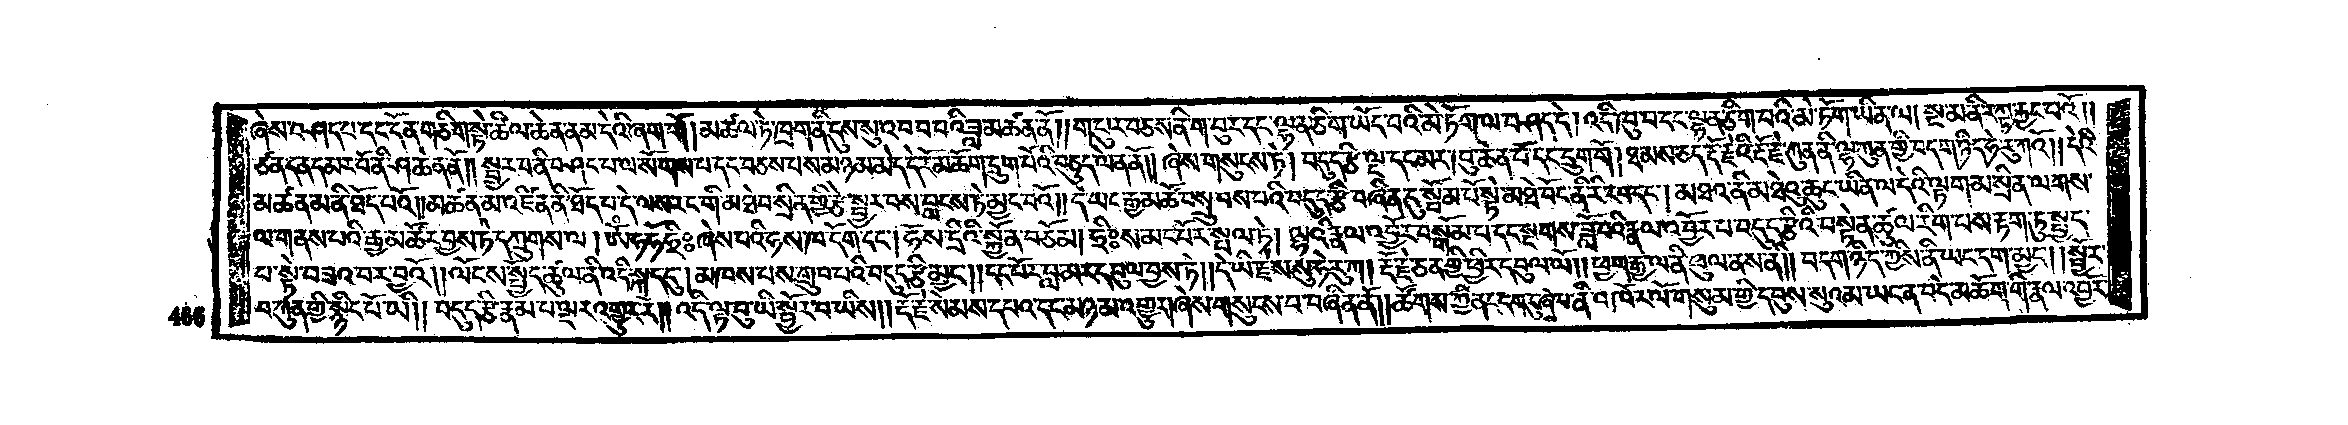ཞེས་བཤད་པ་དང་དོན་གཅིག་སྟེ་ཚིལ་ཆེན་ནམ་དེའི་ཞག་གོ །མཚལ་ཏེ་ཁྲག་ནི་དུས་སུ་འབབ་པའི་ཟླ་མཚན་ནོ། །ག་པུར་བཅས་ནི་ག་བུར་དང་ལྷན་ཅིག་ཡོད་པའི་མེ་ཏོག་ལ་བཤད་དེ། འདི་ཁུ་བ་དང་ལྷན་ཅིག་པའི་མེ་ཏོག་ཡིན་ལ། སྔ་མ་ནི་རཀྟ་རྐྱང་པའོ། །
ཙན་དན་དམར་བོ་ནི་ཤ་ཆེན་ནོ། །སྦྱར་བ་ནི་བཤད་པ་ལ་སོགས་པ་དང་བཅས་པས་མཉམ་མེད་དེ་རོ་མཆོག་དྲུག་པོའི་བཅུད་ལེན་ནོ། །ཞེས་གསུངས་ཏེ། བདུད་རྩི་ལྔ་དང་མར་ཁུ་ཆེན་པོ་དང་དྲུག་གོ །ཐམས་ཅད་རྡོ་རྗེའི་རྡོ་རྗེ་ཀུན་ནི་ལྷ་ཀུན་གྱི་བདག་ཉིད་ཧེ་རུ་ཀའོ། །དེའི་
མཚན་མ་ནི་ཐོད་པའོ། །མཚན་མ་འཛིན་ནི་ཐོད་པ་དེ་ལས་རང་གི་མཐེབ་སྲིན་གྱི་རྩེ་སྦྱར་བས་བླངས་ཏེ་མྱང་བའོ། །དེ་ཡང་རྒྱ་མཚོ་བསྲུབས་པའི་བདུད་རྩི་བཞིན་དུ་སྦོམ་པོ་སྟེ་མཐེ་བོང་ནི་རི་རབ་དང་། མཐའ་ནི་མཐེའུ་ཆུང་ཡིན་ལ་དེའི་ལྟག་མ་སྲིན་ལགས་
ལ་གནས་པའི་རྒྱ་མཚོར་བྱས་ཏེ་དཀྲུགས་ལ། ཨོཾ་ཧ་ཧོ་ཧྲིཿ ཞེས་པའི་ཧས་ཁ་དོག་དང་། ཧེས་དྲིའི་སྐྱོན་བཅོམ། ཧྲིཿ ས་མང་པོར་སྤལ་ཏེ། ལྷའི་རྣལ་འབྱོར་བསྒོམ་པ་དང་སྔགས་ཟློ་བའི་རྣལ་འབྱོར་པ་བདུད་རྩིའི་བསྟེན་ཚུལ་རིག་པས་རྟག་ཏུ་སྤྱད་
པ་སྟེ་བཟའ་བར་བྱའོ། །ལོངས་སྤྱོད་ཚུལ་ནི་འདི་སྐད་དུ། མཁས་པས་གྲུབ་པའི་བདུད་རྩི་མྱང་། །དང་པོར་བླ་མར་དབུལ་བྱས་ཏེ། །དེ་ཡི་རྗེས་སུ་ཧེ་རུ་ཀ། རྡོ་རྗེ་ཅན་གྱི་ཕྱིར་དབུལ་ལོ། །ཕྱག་རྒྱ་ལ་ནི་ཕུལ་ནས་ནི། །བདག་ཉིད་ཀྱིས་ནི་ཡང་དག་མྱང་། །སྦྱོར་
བ་ཀུན་གྱི་སྙིང་པོ་ཡི། །བདུད་རྩི་རྣམ་པ་ལྔར་འགྱུར་རོ། །འདི་ལྟ་བུ་ཡི་སྦྱོར་བ་ཡིས། །རྡོ་རྗེ་སེམས་དཔའ་དང་མཉམ་འགྱུར། ཞེས་གསུངས་པ་བཞིན་ནོ། །ཚོགས་ཀྱི་ནང་དག་དུ་ཞེ་པ་ནི་འཁོར་ལོ་གསུམ་གྱི་དབུས་སུའམ་ཡང་ན་བདེ་མཆོག་གི་རྣལ་འབྱོར་